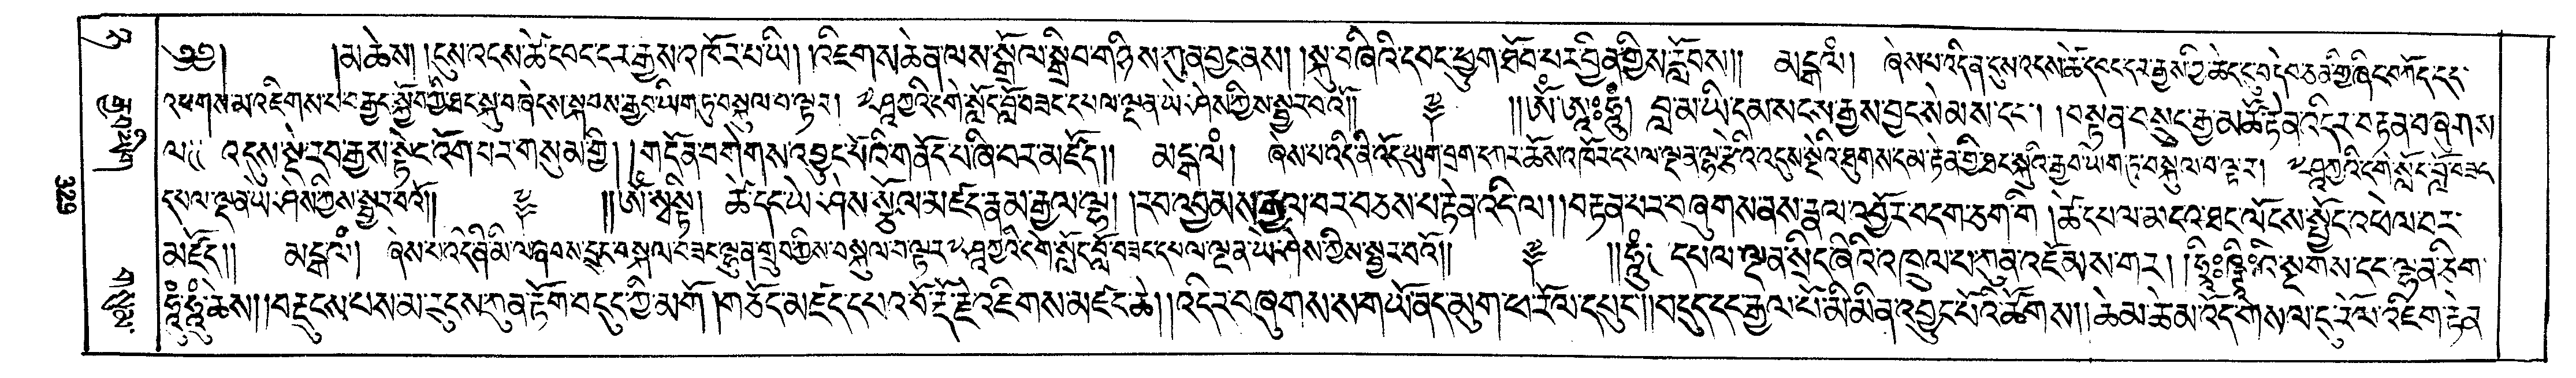༄༅། །མ་ཆེས། །དུས་འདས་ཚེ་དབང་དར་རྒྱས་འཁོར་པ་ཡི། །འཇིགས་ཆེན་ལས་སྒྲོལ་སྒྲིབ་གཉིས་ཀུན་བྱང་ནས། །སྐུ་བཞིའི་དབང་ཕྱུག་ཐོབ་པར་བྱིན་གྱིས་རློབས།། མངྒ་ལཾ། ཞེས་པ་འདི་ནི་དུས་འདས་ཚེ་དབང་དར་རྒྱས་ཀྱི་ཆེད་དུ་བདེ་བ་ཅན་གྱི་ཞིང་བཀོད་དང་
འཕགས་མ་འཇིགས་པ་བརྒྱད་སྐྱོབ་ཀྱི་ཐང་སྐུ་བཞེངས་སྐབས་རྒྱབ་ཡིག་ཏུ་བསྐུལ་བ་ལྟར། ༧ཤཱཀྱའི་དགེ་སློང་བློ་བཟང་དཔལ་ལྡན་ཡེ་ཤེས་ཀྱིས་སྦྱར་བའོ།། ༈ །།ཨོཾ་ཨཱཿཧཱུཾ། བླ་མ་ཡི་དམ་སངས་རྒྱས་བྱང་སེམས་དང་། །བསྟན་བསྲུང་རྒྱ་མཚོ་རྟེན་འདིར་བརྟན་བཞུགས་
ལ༑༑ འདུས་སྡེ་རབ་རྒྱས་སྟེང་འོག་བར་གསུམ་གྱི། །གདོན་བགེགས་འབྱུང་པོའི་གནོད་བཞི་བར་མཛོད།། མངྒ་ལཾ། ཞེས་པ་འདི་ནི་འོད་ཡུག་བྲག་དཀར་ཆོས་འཁོར་དཔལ་ལྡན་ལྟ་རྩེའི་འདུས་སྡེའི་ཐུགས་དམ་རྟེན་གྱི་ཐང་སྐུའི་རྒྱབ་ཡིག་ཏུ་བསྐུལ་བ་ལྟར། ༧་ཤཱཀྱའི་དགེ་སློང་བློ་བཟང་
དཔལ་ལྡན་ཡེ་ཤེས་ཀྱིས་སྦྱར་བའོ།། ༈ །།ཨོཾ་སྭསྟི། ཚེ་དང་ཡེ་ཤེས་སྩོལ་མཛད་རྣམ་རྒྱལ་ལྷ། །རབ་འབྱམས་རྒྱལ་བར་བཅས་པ་རྟེན་འདི་ལ། །བརྟན་པར་བཞུགས་ནས་རྣལ་འབྱོར་བདག་ཅག་གི །ཚེ་དཔལ་མངའ་ཐང་ལོངས་སྤྱོད་འཕེལ་བར་
མཛོད།། མངྒ་ལཾ། ཞེས་པ་འདི་ནི་མི་ལ་ཞབས་དྲུང་བསྐལ་བཟང་ལྷུན་གྲུབ་ཀྱིས་བསྐུལ་བ་ལྟར ༧ཤཱཀྱའི་དགེ་སློང་བློ་བཟང་དཔལ་ལྡན་ཡེ་ཤེས་ཀྱིས་སྦྱར་བའོ།།  ༈ །།ཧཱུཾ༑ དཔལ་ལྡན་སྲིད་ཞིའི་འཁྲུལ་པ་ཀུན་འཇོམས་གར། །ཏྲཱིཿཥྚཱིཿའི་སྔགས་དང་ལྷན་ཅིག་
ཧཱུཾ་ཧཱུཾ་ཆེས། །བརྡུངས་བས་མ་རུངས་ཀུན་རྟོག་བདུད་ཀྱི་མགོ །གཅོད་མཛད་དཔའ་བོ་རྡོ་རྗེ་འཇིགས་མཛད་ཆེ། །འདིར་བཞུགས་ས་གཡོ་ནད་མུག་ཕ་རོལ་དཔུང་། །བདུད་དང་རྒྱལ་པོ་མི་མིན་འབྱུང་པོའི་ཚོགས། །ཆེམ་ཆེམ་འོད་གསལ་དུ་རོལ་འཇིག་རྟེན་